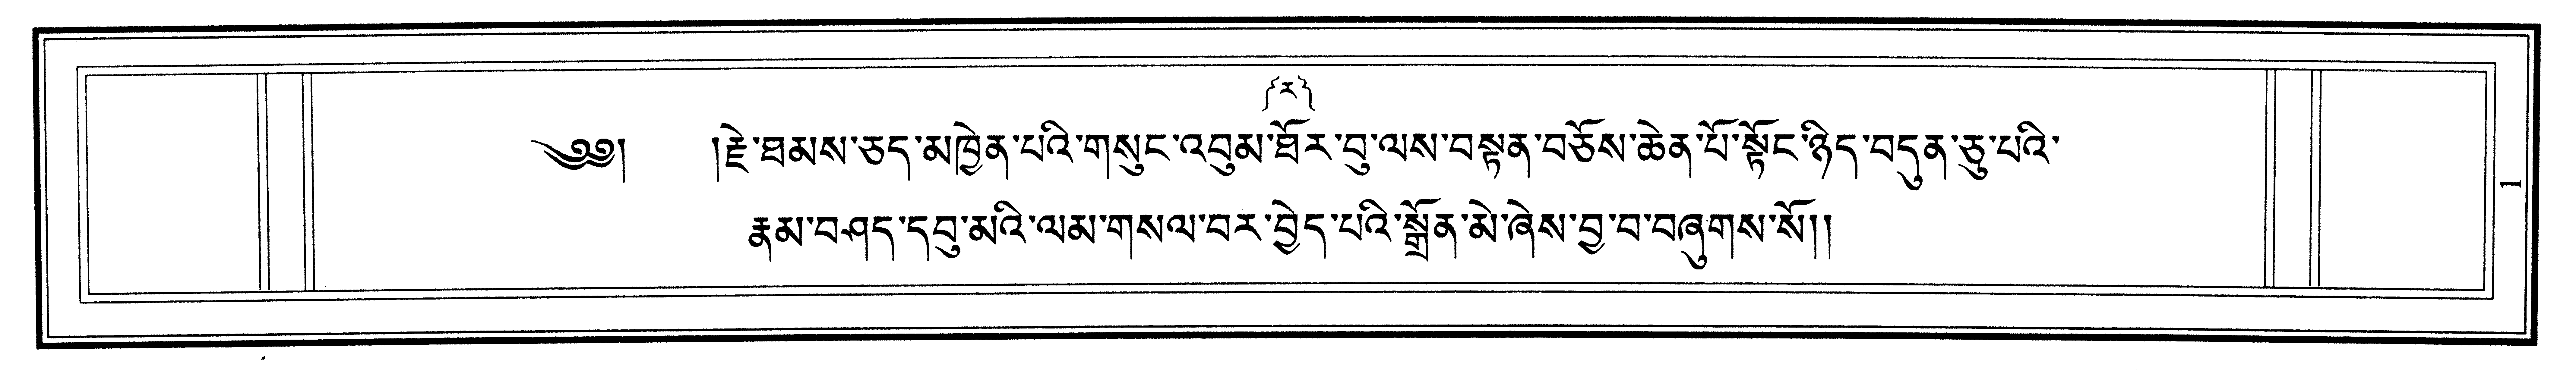༄༅། །རྗེ་ཐམས་ཅད་མཁྱེན་པའི་གསུང་འབུམ་ཐོར་བུ་ལས་བསྟན་བཅོས་ཆེན་པོ་སྟོང་ཉིད་བདུན་ཅུ་པའི་རྣམ་བཤད་དབུ་མའི་ལམ་གསལ་བར་བྱེད་པའི་སྒྲོན་མེ་ཞེས་བྱ་བ་བཞུགས་སོ།།